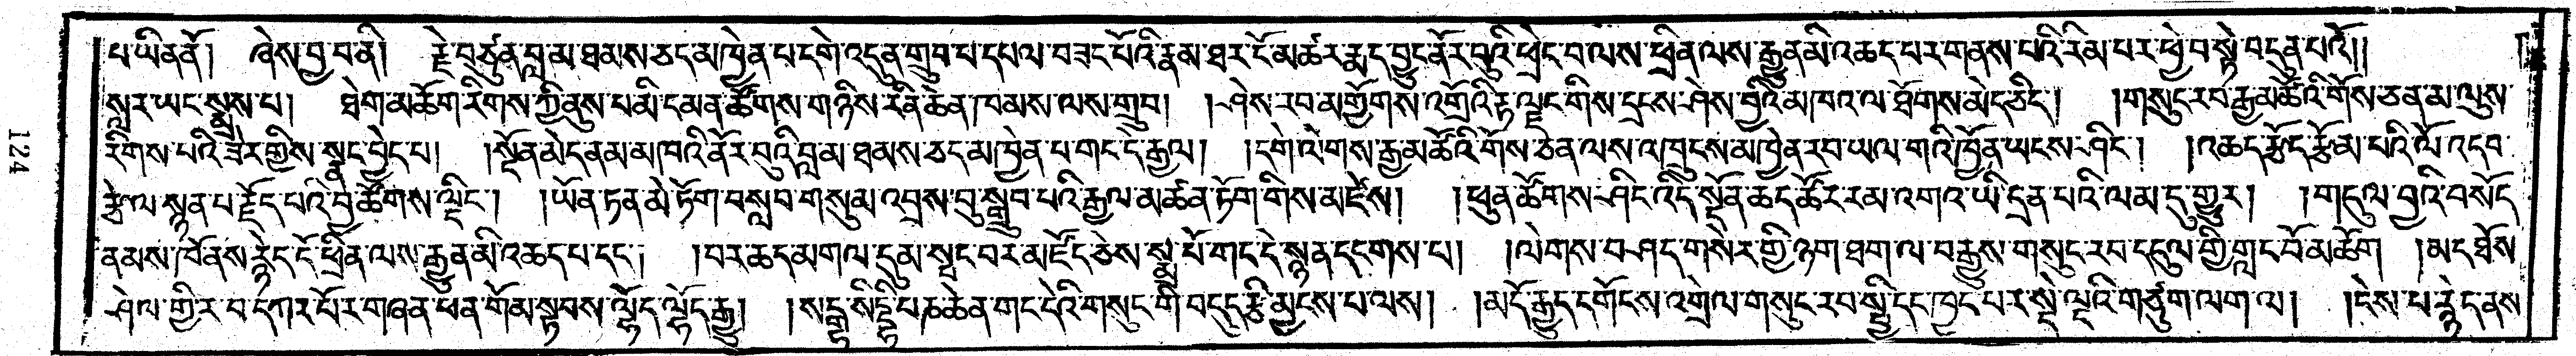པ་ཡིན་ནོ། ཞེས་བྱ་བ་ནི། རྗེ་བཙུན་བླ་མ་ཐམས་ཅད་མཁྱེན་པ་དགེ་འདུན་གྲུབ་པ་དཔལ་བཟང་པོའི་རྣམ་ཐར་ངོ་མཚར་རྨད་བྱུང་ནོར་བུའི་ཕྲེང་བ་ལས་ཕྲིན་ལས་རྒྱུན་མི་འཆད་པར་གནས་པའི་རིམ་པར་ཕྱེ་བ་སྟེ་བདུན་པའོ།། །
སླར་ཡང་སྨྲས་པ། ཐེག་མཆོག་རིགས་ཀྱི་ནུས་པ་མི་དམན་ཚོགས་གཉིས་རིན་ཆེན་ཁམས་ལས་གྲུབ། །ཤེས་རབ་མགྱོགས་འགྲོའི་རྟ་ལྗང་གིས་དྲངས་ཤེས་བྱའི་མཁའ་ལ་ཐོགས་མེད་ཅིང་། །གསུང་རབ་རྒྱ་མཚོའི་གོས་ཅན་མ་ལུས་
རིགས་པའི་ཟེར་གྱིས་སྣང་བྱེད་པ། །སྔོན་མེད་ནམ་མཁའི་ནོར་བུའི་བླ་མ་ཐམས་ཅད་མཁྱེན་པ་གང་དེ་རྒྱལ། །དགེ་ལེགས་རྒྱ་མཚོའི་གོས་ཅན་ལས་འཁྲུངས་མཁྱེན་རབ་ཡལ་གའི་ཁྱོན་ཡངས་ཤིང་། །འཆད་རྩོད་རྩོམ་པའི་ལོ་འདབ་
རྩེལ་སྙན་པ་རྗོད་པའི་བྱ་ཚོགས་ལྡིང་། །ཡོན་ཏན་མེ་ཏོག་བསླབ་གསུམ་འབྲས་བུ་སྒྲུབ་པའི་རྒྱལ་མཚན་ཏོག་གིས་མཛེས། །ཕུན་ཚོགས་ཤིང་འདི་སྔོན་ཆད་ཚོར་རམ་འགའ་ཡི་དྲན་པའི་ལམ་དུ་གྱུར། །གདུལ་བྱའི་བསོད་
ནམས་ཁོ་ནས་རྙེད་དོ་ཕྲིན་ལས་རྒྱུན་མི་འཆད་པ་དང་། །བར་ཆད་མགལ་དུམ་སྤང་བར་མཛོད་ཅེས་སྨྲ་པོ་གང་དེ་སྙན་དངགས་པ། །ལེགས་བཤད་གསེར་གྱི་ཉག་ཐག་ལ་བརྒྱུས་གསུང་རབ་དངུལ་གྱི་གླང་བོ་མཆོག །མང་ཐོས་
ཤེལ་གྱི་ར་བ་དཀར་པོར་གཞན་ཕན་གོམ་སྟབས་ལྷོད་ལྷོད་རྒྱུ། །སངྒྷ་སིདྡྷི་པཎ་ཆེན་གང་དེའི་གསུང་གི་བདུད་རྩི་མྱངས་པ་ལས། །མདོ་རྒྱུད་དགོངས་འགྲེལ་གསུང་རབ་སྤྱི་དང་ཁྱད་པར་སྡེ་ལྔའི་གཙུག་ལག་ལ། །ངེས་པ་རྙེད་ནས་